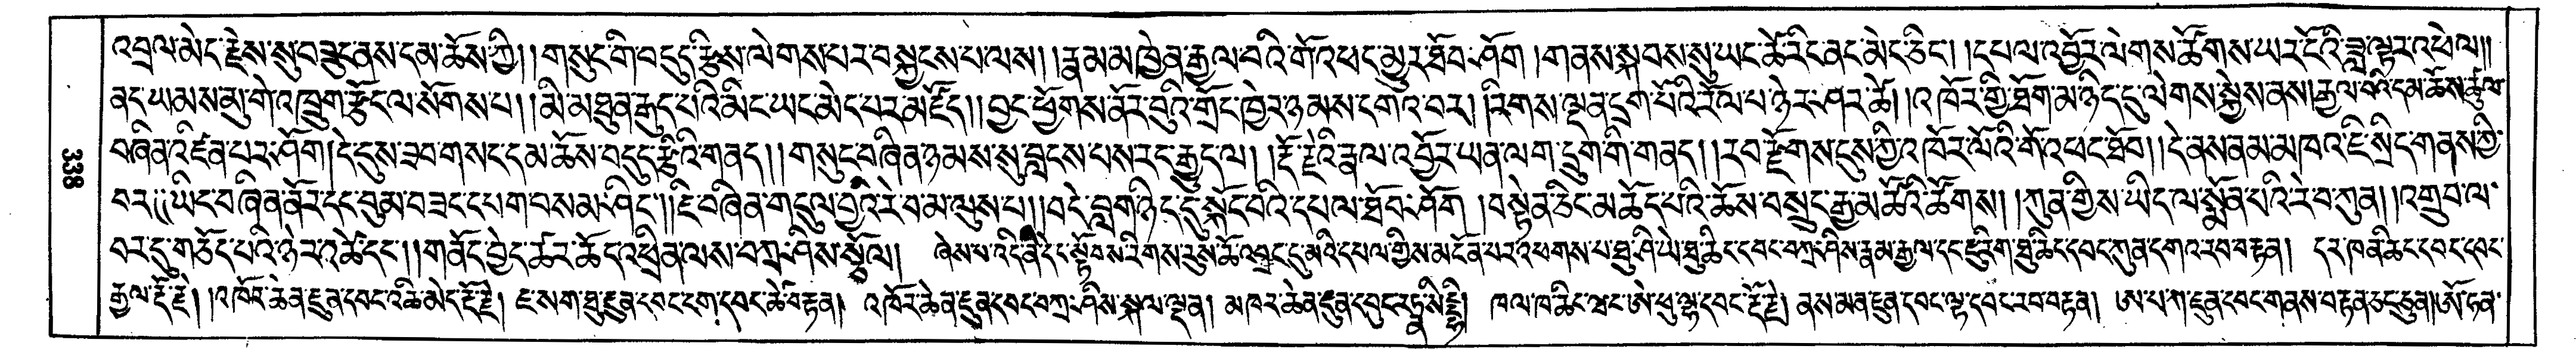༠༠༠༣བ་འབྲལ་མེད་རྗེས་སུ་བཟུང་ནས་དམ་ཆོས་ཀྱི། །གསུང་གི་བདུད་རྩིས་ལེགས་པར་བསྐྱངས་པ་ལས། །རྣམ་མཁྱེན་རྒྱལ་བའི་གོ་འཕང་མྱུར་ཐོབ་ཤོག། གནས་སྐབས་སུ་ཡང་ཚེ་རིང་ནད་མེད་ཅིང་། །དལ་འབྱོར་ལེགས་ཚོགས་ཡར་ངོའི་ཟླ་ལྟར་འཕེལ།
ནད་ཡམས་མུ་གེ་འཁྲུག་རྩོད་ལ་སོགས་པ། །མི་མཐུན་རྒུད་པའི་མིང་ཡང་མེད་པར་མཛོད། །བྱང་ཕྱོགས་ནོར་བུའི་གྲོང་ཁྱེར་ཉམས་དགའ་བར། །རིགས་ལྡན་དྲག་པོའི་རོལ་པ་ཉེར་ཤར་ཚེ། །འཁོར་གྱི་ཐོག་མ་ཉིད་དུ་ལེགས་སྐྱེས་ནས། རྒྱལ་བའི་དམ་ཆོས་ཚུལ་
བཞིན་འཛིན་པར་ཤོག། དེ་དུས་ཟབ་གསང་དམ་ཆོས་བདུད་རྩིའི་གནད། །གསུང་བཞིན་ཉམས་སུ་བླངས་བས་རང་རྒྱུད་ལ། །རྡོ་རྗེའི་རྣལ་འབྱོར་ཡན་ལག་དྲུག་གི་གནད། །རབ་རྫོགས་དུས་ཀྱི་འཁོར་ལོའི་གོ་འཕང་ཐོབ། །དེ་ནས་ནམ་མཁའ་ཇི་སྲིད་གནས་ཀྱི་འཁོར་ལོའི་གོ་འཕང་ཐོབ། །དེ་ནས་ནམ་མཁའ་ཇི་སྲིད་གནས་ཀྱི་
བར། །ཡིད་བཞིན་ནོར་དང་བུམ་བཟང་དཔག་བསམ་ཤིང་། །ཇི་བཞིན་གདུལ་བྱའི་རེ་བ་མ་ལུས་པ། །བདེ་བླག་ཉིད་དུ་སྐོང་བའི་དཔལ་ཐོབ་ཤོག །བསྟེན་ཅིང་མཆོད་པའི་ཆོས་བསྲུང་རྒྱ་མཚོའི་ཚོགས། །ཀུན་གྱིས་ཡིད་ལ་སྨོན་བའི་རེ་བཀུན། །འགྲུབ་ལ་
བར་དུ་གཅོད་པའི་ཉེར་འཚེ་དང་། །གནོད་བྱེད་ཚར་ཆོད་འཕྲིན་ལས་བཀྲ་ཤིས་སྩོལ། ཞེས་པ་འདི་ནི་དང་སྟོབས་རིགས་རུས་ཆོ་འབྲང་དུ་མའི་དཔལ་གྱིས་མངོན་པར་འཕགས་པ་ཐུ་ཤི་ཡེ་ཐུ་ཆིང་དབང་བཀྲ་ཤིས་རྣམ་རྒྱལ་དང་ཇུ་རིག་ཐུ་ཆིང་དབང་ཀུན་དགའ་རབ་བརྟན། དར་ཁན་ཆིང་དབང་དབང་
རྒྱལ་རྡོ་རྗེ། འཁོར་ཆེན་དུན་དབང་འཆི་མེད་རྡོ་རྗེ། ཇ་སག་ཐུ་ཇུན་དབང་ངག་དབང་ཚེ་བརྟན། འཁོར་ཆེན་ཇུན་དབང་བཀྲ་ཤིས་སྐལ་ལྡན། མཁར་ཆེན་ཇུན་དབང་རཏྣ་སིདྡྷི། ཁལ་ཁ་ཚིང་ཝང་ཨེ་ཕུ་ལྟ་དབང་རྡོ་རྗེ། ནས་མན་ཇུན་དབང་ལྷ་དབང་རབ་བརྟན། ཨ་བ་ཀ་ཇུན་དབང་གནས་བརྟན་ཅང་ཅུན། ཨོ་ཏན